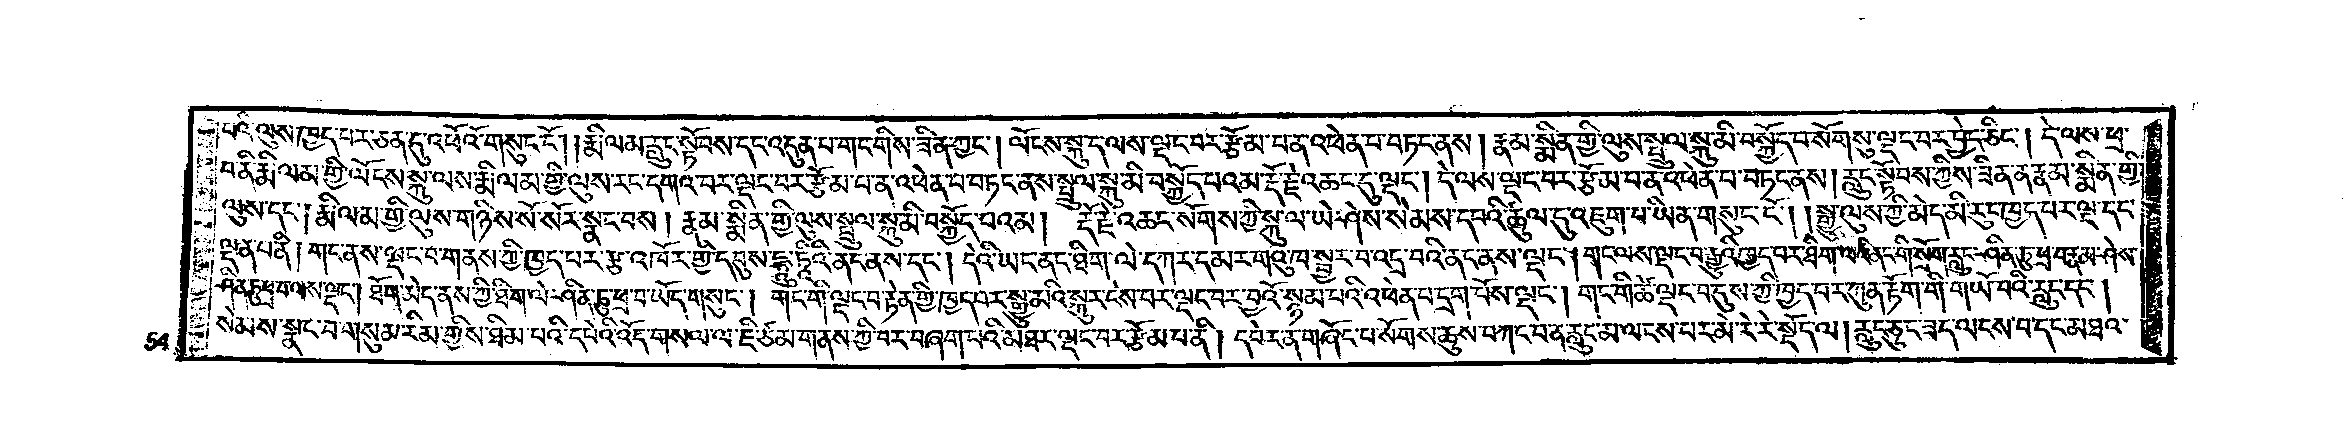པའི་ལུས་ཁྱད་པར་ཅན་དུ་འཕོའོ་གསུང་ངོ། །རྨི་ལམ་རླུང་སྟོབས་དང་འདུན་པ་གང་གིས་ཟིན་ཀྱང་། ལོངས་སྐུ་དེ་ལས་ལྡང་བར་རྩོམ་པ་ན་འཕེན་པ་བཏང་ནས། རྣམ་སྨིན་གྱི་ལུས་སྤྲུལ་སྐུ་མི་བསྐྱོད་པ་སོགས་སུ་ལྡང་བར་བྱེད་ཅིང་། དེ་ལས་ཕྲ་
བ་ནི་རྨི་ལམ་གྱི་ལོངས་སྐུ་ལས་རྨི་ལམ་གྱི་ལུས་རང་དགའ་བར་ལྡང་བར་རྩོམ་པ་ན་འཕེན་པ་བཏང་ནས་སྤྲུལ་སྐུ་མི་བསྐྱོད་པའམ་རྡོ་རྗེ་འཆང་དུ་ལྡང་། དེ་ལས་ལྡང་བར་རྩོམ་པ་ན་འཕེན་པ་བཏང་ནས། རླུང་སྟོབས་ཀྱིས་ཟིན་ན་རྣམ་སྨིན་གྱི་
ལུས་དང་། རྨི་ལམ་གྱི་ལུས་གཉིས་སོ་སོར་སྣང་བས། རྣམ་སྨིན་གྱི་ལུས་སྤྲུལ་སྐུ་མི་བསྐྱོད་པའམ། རྡོ་རྗེ་འཆང་སོགས་ཀྱི་སྐུ་ལ་ཡེ་ཤེས་སེམས་དཔའི་ཚུལ་དུ་འཇུག་པ་ཡིན་གསུང་ངོ། །སྒྱུ་ལུས་ཀྱི་མེད་མི་རུང་ཁྱད་པར་ལྔ་དང་
ལྡན་པ་ནི། གང་ནས་ལྡང་བ་གནས་ཀྱི་ཁྱད་པར་རྩ་འཁོར་གྱི་དབུས་དྷཱུ་ཏཱིའི་ནང་ནས་དང་། དེའི་ཡང་ནང་ཐིག་ལེ་དཀར་དམར་གའུ་ཁ་སྦྱར་བ་འདྲ་བའི་ནང་ནས་ལྡང་། གང་ལས་ལྡང་བ་རྒྱུའི་ཁྱད་པར་ཐིག་ལེའི་ནང་གི་སྲོག་རླུང་ཤིན་ཏུ་ཕྲ་བ་རྣམ་ཤེས་
ཤིན་ཏུ་ཕྲ་བ་ལས་ལྡང་། ཐོག་མེད་ནས་ཀྱི་ཐིག་ལེ་ཤིན་ཏུ་ཕྲ་བ་ཡོད་གསུང་། གང་གི་ལྡང་བ་རྟེན་གྱི་ཁྱད་པར་སྒྱུ་མའི་སྐུར་ངེས་པར་ལྡང་བར་བྱའོ་སྙམ་པའི་འཕེན་པ་དྲག་པོས་ལྡང་། གང་གི་ཚེ་ལྡང་བ་དུས་ཀྱི་ཁྱད་པར་ཀུན་རྟོག་གི་གཡོ་བའི་རླུང་དང་།
སེམས་སྣང་བ་གསུམ་རིམ་གྱིས་ཐིམ་པའི་དཔེའི་འོད་གསལ་ལ་ཇི་ཙམ་གནས་ཀྱི་བར་བཞག་པའི་མཐར་ལྡང་བར་རྩོམ་པ་ནི། དཔེར་ན་གཞོང་པ་སོགས་ཆུས་བཀང་བ་ན་རླུང་མ་ལངས་པར་མེ་རེ་རེ་སྡོད་ལ། རླུང་ཅུང་ཟད་ལངས་པ་དང་མཐའ་